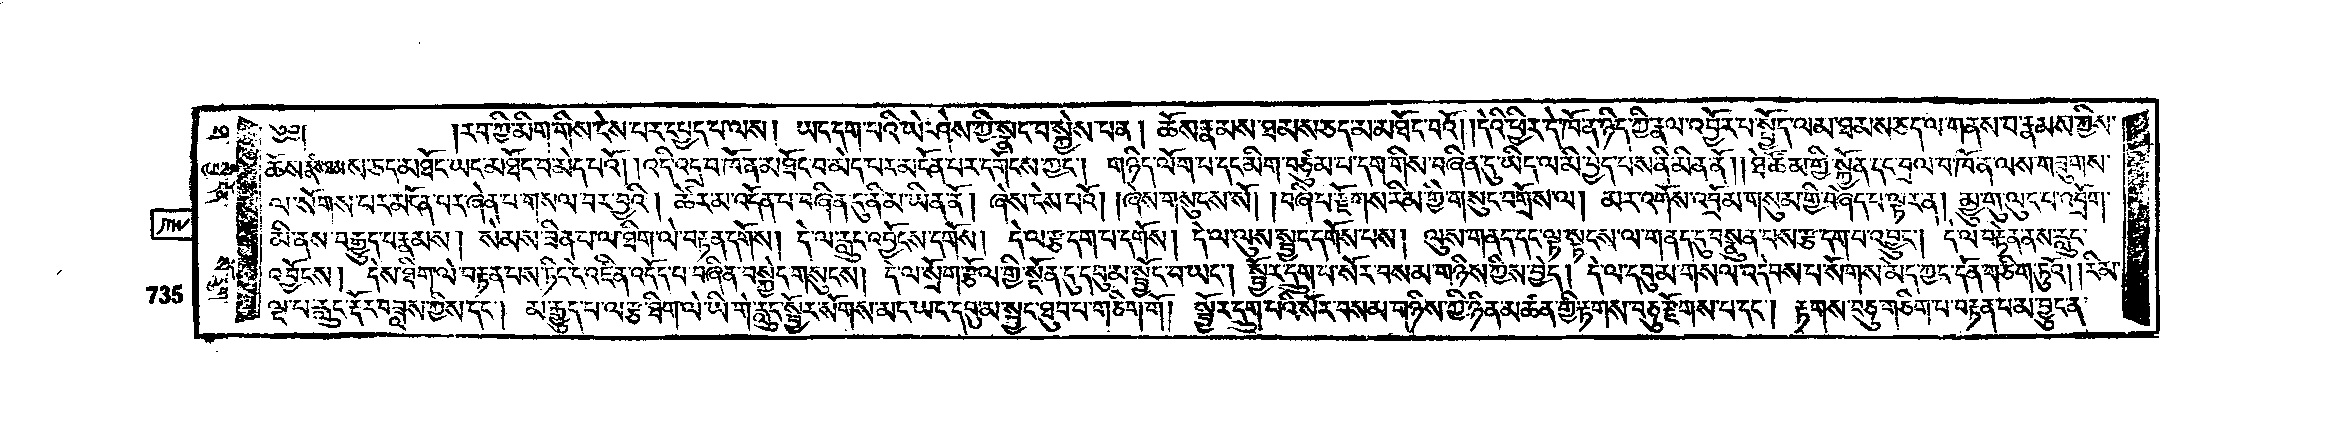༄༅། །རབ་ཀྱི་མིག་གིས་ངེས་པར་དཔྱད་པ་ལས། ཡང་དག་པའི་ཡེ་ཤེས་ཀྱི་སྣང་བ་སྐྱེས་པ་ན། ཆོས་རྣམས་ཐམས་ཅད་མ་མཐོང་བའོ། །དེའི་ཕྱིར་དེ་ཁོ་ན་ཉིད་ཀྱི་རྣལ་འབྱོར་པ་སྤྱོད་ལམ་ཐམས་ཅད་ལ་གནས་པ་རྣམས་ཀྱིས་
ཆོས་རྣམས་ཐམས་ཅད་མཐོང་ཡང་མཐོང་བ་མེད་པའོ། །འདི་འདྲ་བ་ཁོ་ན་མཐོང་བ་མེད་པར་མངོན་པར་དགོངས་ཀྱང་། གཉིད་ལོག་པ་དང་མིག་བཙུམ་པ་དག་གིས་བཞིན་དུ་ཡིད་ལ་མི་བྱེད་པས་ནི་མིན་ནོ། །ཐེ་ཚོམ་གྱི་སྐྱོན་དང་བྲལ་བ་ཁོ་ན་ལས་གཟུགས་
ལ་སོགས་པར་མངོན་པར་ཞེན་པ་གསལ་བར་བྱའི། ཚེར་མ་འདོན་པ་བཞིན་དུ་ནི་མ་ཡིན་ནོ། ཞེས་ངེས་པའོ། །ཞེས་གསུངས་སོ། །བཞི་པ་རྫོགས་རིམ་གྱི་གསུང་བགྲོས་ལ། མར་འགོས་འབྲོམ་གསུམ་གྱི་བཞེད་པ་ལྟར་ན། མྱུ་གུ་ལུང་པ་འབྲོག་
མི་ནས་བརྒྱུད་པ་རྣམས། སེམས་ཟིན་པ་ལ་ཐིག་ལེ་བརྟན་དགོས། དེ་ལ་རླུང་འབྱོངས་དགོས། དེ་ལ་རྩ་དག་པ་དགོས། དེ་ལ་ལུས་སྦྱང་དགོས་པས། ལུས་གནད་དང་ལྟ་སྟངས་ལ་གནད་དུ་བསྣུན་པས་རྩ་དག་པ་འབྱུང་། དེ་ལ་བརྟེན་ནས་རླུང་
འབྱོངས། དེས་ཐིག་ལེ་བརྟན་པས་ཏིང་ངེ་འཛིན་འདོད་པ་བཞིན་བསྐྱེད་གསུངས། དེ་ལ་སྲོག་རྩོལ་གྱི་སྔོན་དུ་དབུ་མ་སྦྱོང་བ་ཡང་། སྦྱོར་དྲུག་པ་སོར་བསམ་གཉིས་ཀྱིས་བྱེད། དེ་ལ་དབུ་མ་གསལ་འདེབས་པ་སོགས་མེད་ཀྱང་དོན་གཅིག་ཏུའོ། །རིམ་
ལྔ་པ་རླུང་རྡོར་བཟླས་ཀྱིས་དང་། མ་རྒྱུད་པ་ལ་རྩ་ཐིག་ལེ་ཡི་གེ་རླུང་སྦྱོར་སོགས་མང་ཡང་དབུ་མ་སྦྱང་ཐུབ་པ་གཅིག་གོ། སྦྱོར་དྲུག་པའི་སོར་བསམ་གཉིས་ཀྱི་ཉིན་མཚན་གྱི་རྟགས་བཅུ་རྫོགས་པ་དང་། རྟགས་བཅུ་གཅིག་པ་བརྟན་པ་མ་བྱུང་ན་